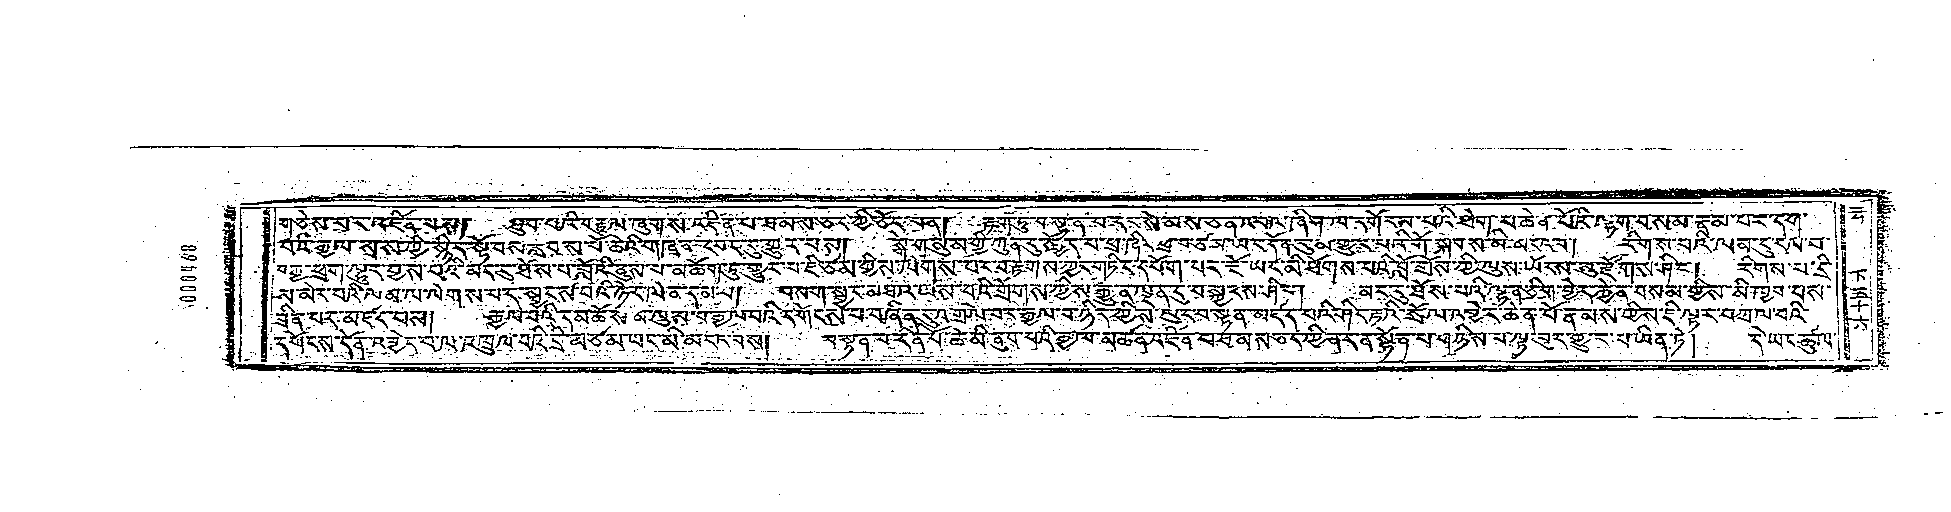གཅེས་པར་འཛིན་པས། ཐུབ་པའི་བརྟུལ་ཞུགས་འཛིན་པ་ཐམས་ཅད་ཀྱི་ཙོང་པན། རྟག་ཏུ་བསྟན་པ་དང་སེམས་ཅན་འབའ་ཞིག་ལ་དགོངས་པའི་ཐེག་པ་ཆེན་པོའི་ལྷག་བསམ་རྣམ་པར་དག་
པའི་རྒྱལ་སྲས་ཀྱི་སྙིང་སྟོབས་རླབས་པོ་ཆེའི་གཞན་དབང་དུ་གྱུར་པས། སྒེ་གསུམ་གྱི་ཀུན་དུ་སྤྱོད་པ་ཕྲ་ཞིབ་ཕྲ་བ་ཙམ་ཡང་དོན་དུ་མ་གྱུར་པའི་གོ་སྐབས་མི་མངའ་བ། རིགས་པའི་ལམ་དུ་ངལ་བ་
བརྒྱ་ཕྲག་ལྷུར་བྱས་པའི་མང་དུ་ཐོས་པ་བློའི་ནུས་པ་མཆོག་ཏུ་གྱུར་པ་ཇི་ཙམ་གྱིས་ལེགས་པར་བརྟགས་ཀྱང་གཏིང་དཔོག་པར་རྡོ་ཡང་མི་ཐོགས་པའི་བློ་གྲོས་ཀྱི་ལུས་ཡོངས་སུ་རྫོགས་ཤིང་། རིགས་པ་དྲི་
མ་མེད་པའི་ལམ་ལ་ལེགས་པར་སྦྱངས་པའི་ཉེར་ལེན་དམ་པ། བསག་སྦྱང་མཐའ་ཡས་པའི་གྲོགས་ཀྱིས་རྒྱུན་ལྡན་དུ་བསྐྱངས་ཤིང་། མང་དུ་ཐོས་པའི་ལྷན་ཅིག་བྱེད་རྐྱེན་བསམ་གྱིས་མི་ཁྱབ་པས་
ཟིན་པར་མཛད་པས། རྒྱལ་བའི་དམ་ཆོས་མ་ལུས་བ་རྒྱལ་བའི་དགོངས་པ་བཞིན་དུ་འགྲེལ་བར་རྒྱལ་བ་ཉིད་ཀྱིས་ལུང་བསྟན་མཛད་པའི་ཤིང་རྟའི་སྲོལ་འབྱེད་ཆེན་པོ་རྣམས་ཀྱིས་ཇི་ལྟར་བཀྲལ་བའི་
དགོངས་དོན་འབྱེད་པ་ལ་འཁྲུལ་བའི་དྲི་མ་ཙམ་ཡང་མི་མངའ་བས། བསྟན་པ་རིན་པོ་ཆེ་མི་ནུབ་པའི་རྒྱལ་མཚན་འཛིན་པ་ཐམས་ཅད་ཀྱི་ནང་ན་སྟོན་པ་གཉིས་པ་ལྟ་བུར་གྱུར་པ་ཡིན་ཏེ། དེ་ཡང་ཚུལ་